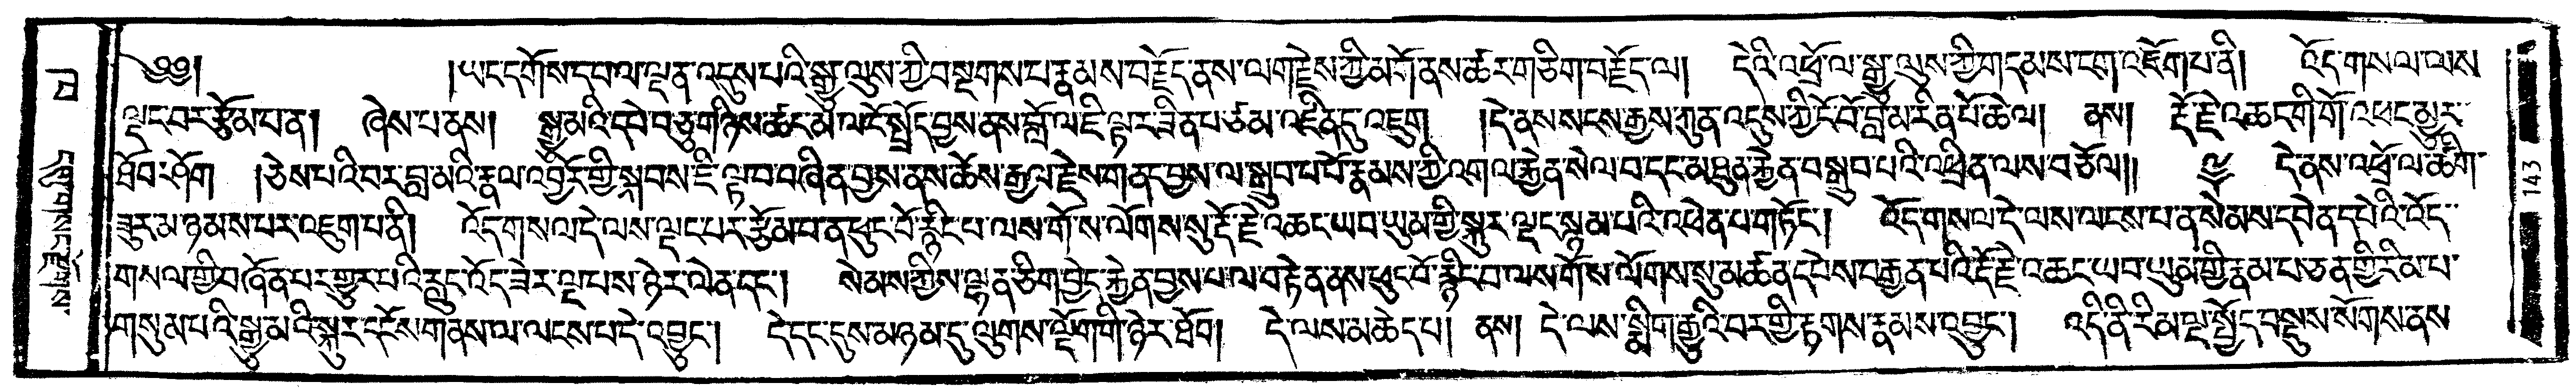༄༅། །ཡང་དགོས་དཔལ་ལྡན་འདུས་པའི་སྒྱུ་ལུས་ཀྱི་བསྔགས་པ་རྣམས་བརྗོད་ནས་ལག་རྗེས་ཀྱི་མགོ་ནས་ཚར་གཅིག་བརྗོད་ལ། དེའི་འཕྲོ་ལ་སྒྱུ་ལུས་ཀྱི་གདམས་ངག་འཇོག་པ་ནི། འོད་གསལ་ལས་
ལྡང་བར་རྩོམ་པ་ན། ཞེས་པ་ནས། སྒྱུ་མའི་དཔེ་བཅུ་གཉིས་ཚང་མ་ལ་ངོ་སྤྲོད་བྱས་ནས་བློ་ལ་ཇི་ལྟར་ཟིན་པ་ཙམ་འཛིན་དུ་འཇུག །དེ་ནས་སངས་རྒྱས་ཀུན་འདུས་ཀྱི་ངོ་བོ་བློ་མ་རིན་པོ་ཆེ་ལ། ནས། རྡོ་རྗེ་འཆང་གི་གོ་འཕང་མྱུར་
ཐོབ་ཤོག །ཅེས་པའི་བར་བླ་མའི་རྣལ་འབྱོར་གྱི་སྐབས་ཇི་ལྟ་བ་བཞིན་བྱས་ནས་ཆོས་རྒྱལ་རྗེས་གནང་བྱས་ལ་སྒྲུབ་པ་པོ་རྣམས་ཀྱི་འགལ་རྐྱེན་སེལ་བ་དང་མཐུན་རྐྱེན་བསྒྲུབ་པའི་འཕྲིན་ལས་བཅོལ།། ༈ དེ་ནས་འཕྲོལ་ཚིག་
ཟུར་མ་ཉམས་པར་འཇུག་པ་ནི། འོད་གསལ་དེ་ལས་ལྡང་པར་རྩོམ་པ་ན་ཕུང་པོ་རྙིང་པ་ལས་གོ་ས་ལོགས་སུ་རྡོ་རྗེ་འཆང་ཡབ་ཡུམ་གྱི་སྐུར་ལྡང་སྙམ་པའི་འཕེན་པ་གཏོང་། འོད་གསལ་དེ་ལས་ལངས་པ་ན་སེམས་དབེན་དཔེའི་འོད་
གསལ་གྱི་བཞོན་པར་གྱུར་པའི་རླུང་འོད་ཟེར་ལྔ་པས་ཉེར་ལེན་དང་། སེམས་ཀྱིས་ལྷན་ཅིག་བྱེད་རྐྱེན་བྱས་པ་ལ་བརྟེན་ནས་ཕུང་པོ་རྙིང་བ་ལས་གོས་ལོགས་སུ་མཚན་དཔེས་བརྒྱན་པའི་རྡོ་རྗེ་འཆང་ཡབ་ཡུམ་གྱི་རྣམ་པ་ཅན་གྱི་རིམ་པ་
གསུམ་པའི་སྒྱུ་མའི་སྐུར་དངོས་གནས་ལ་ལངས་པ་དེ་འབྱུང་། དེ་དང་དུས་མཉམ་དུ་ལུགས་ལྡོག་གི་ཉེར་ཐོབ། དེ་ལས་མཆེད་པ། ནས། དེ་ལས་སྨིག་རྒྱུའི་བར་གྱི་རྟགས་རྣམས་འབྱུང་། འདི་ནི་རིམ་ལྔ་སྤྱོད་བསྡུས་སོགས་ནས་